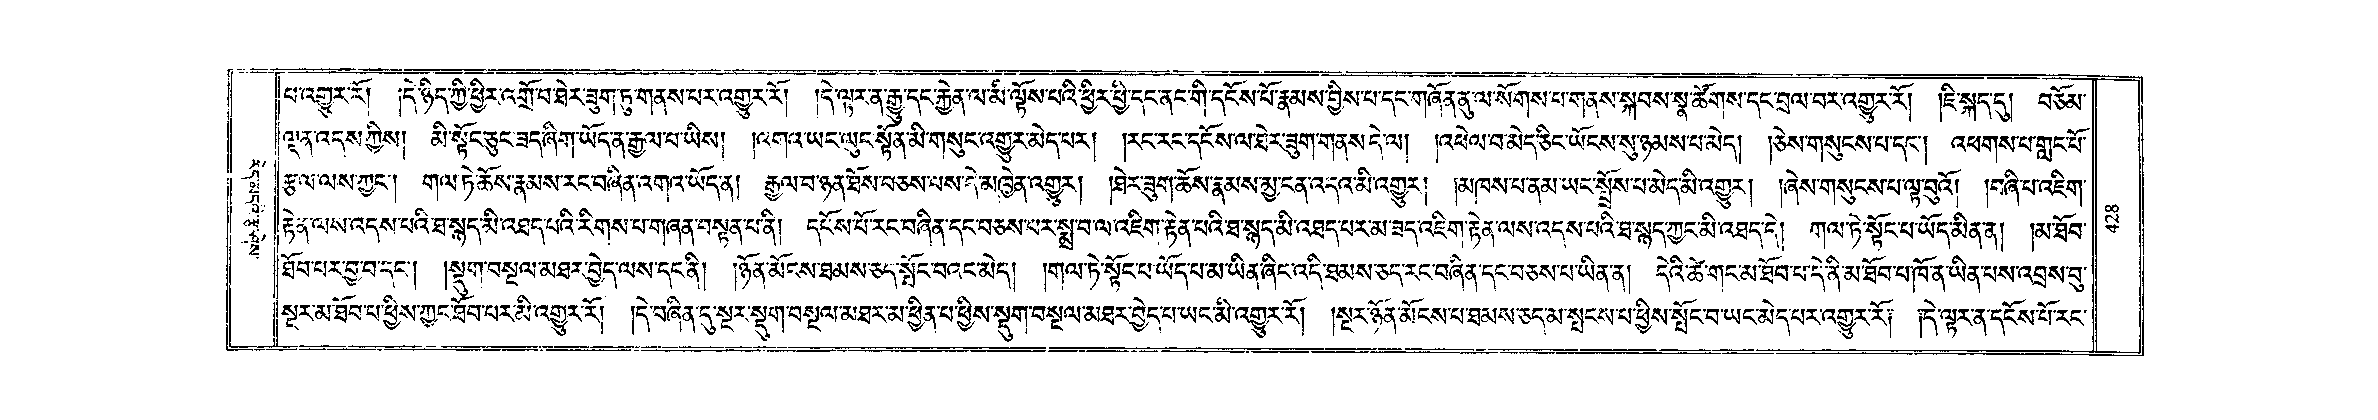པ་འགྱུར་རོ། །དེ་ཉིད་ཀྱི་ཕྱིར་འགྲོ་བ་ཐེར་ཟུག་ཏུ་གན་པར་འགྱུར་རོ། །དེ་ལྟར་ན་རྒྱུ་དང་རྐྱེན་ལ་མི་ལྟོས་པའི་ཕྱིར་ཕྱི་དང་ནང་གི་དངོས་པོ་རྣམས་བྱིས་པ་དང་གཞོན་ནུ་ལ་སོགས་པ་གནས་སྐབས་སྣ་ཚོགས་དང་བྲལ་བར་འགྱུར་རོ། །ཇི་སྐད་དུ། བཅོམ་
ལྡན་འདས་ཀྱིས། མི་སྟོང་ཅུང་ཟད་ཞིག་ཡོད་ན་རྒྱལ་བ་ཡིས། །འགའ་ཡང་ལུང་སྟོན་མི་གསུང་འགྱུར་མེད་པར། །རང་རང་དངོས་ལ་ཐེར་ཟུག་གནས་དེ་ལ། །འཕེལ་བ་མེད་ཅིང་ཡོངས་སུ་ཉམས་པ་མེད། །ཅེས་གསུངས་པ་དང་། འཕགས་པ་གླང་པོ་
རྩལ་ལས་ཀྱང་། གལ་ཏེ་ཆོས་རྣམས་རང་བཞིན་འགའ་ཡོད་ན། རྒྱལ་བ་ཉན་ཐོས་བཅས་པས་དེ་མཁྱེན་འགྱུར། །ཐེར་ཟུག་ཆོས་རྣམས་མྱ་ངན་འདའ་མི་འགྱུར། །མཁས་པ་ནམ་ཡང་སྤྲོས་པ་མེད་མི་འགྱུར། །ཞེས་གསུངས་པ་ལྟ་བུའོ། །བཞི་པ་འཇིག་
རྟེན་ལས་འདས་པའི་ཐ་སྙད་མི་འཐད་པའི་རིགས་པ་གཞན་བསྟན་པ་ནི། དངོས་པོ་རང་བཞིན་དང་བཅས་པར་སྨྲ་བ་ལ་འཇིག་རྟེན་པའི་ཐ་སྙད་མི་འཐད་པར་མ་ཟད་འཇིག་རྟེན་ལས་འདས་པའི་ཐ་སྙད་ཀྱང་མི་འཐད་དེ། གལ་ཏེ་སྟོང་པ་ཡོད་མིན་ན། །མ་ཐོབ་
ཐོབ་པར་བྱ་བ་དང་། །སྡུག་བསྔལ་མཐར་བྱེད་ལས་དང་ནི། །ཉོན་མོངས་ཐམས་ཅད་སྤོང་བའང་མེད། །གལ་ཏེ་སྟོང་པ་ཡོད་པ་མ་ཡིན་ཞིང་འདི་ཐམས་ཅད་རང་བཞིན་དང་བཅས་པ་ཡིན་ན། དེའི་ཚེ་གང་མ་ཐོབ་པ་དེ་ནི་མ་ཐོབ་པ་ཁོ་ན་ཡིན་པས་འབྲས་བུ་
སྔར་མ་ཐོབ་པ་ཕྱིས་ཀྱང་ཐོབ་པར་མི་འགྱུར་རོ། །དེ་བཞིན་དུ་སྔར་སྡུག་བསྔལ་མཐར་མ་ཕྱིན་པ་ཕྱིས་སྡུག་བསྔལ་མཐར་བྱེད་པ་ཡང་མི་འགྱུར་རོ། །སྔར་ཉོན་མོངས་པ་ཐམས་ཅད་མ་སྤངས་པ་ཕྱིས་སྤོང་བ་ཡང་མེད་པར་འགྱུར་རོ། །དེ་ལྟར་ན་དངོས་པོ་རང་